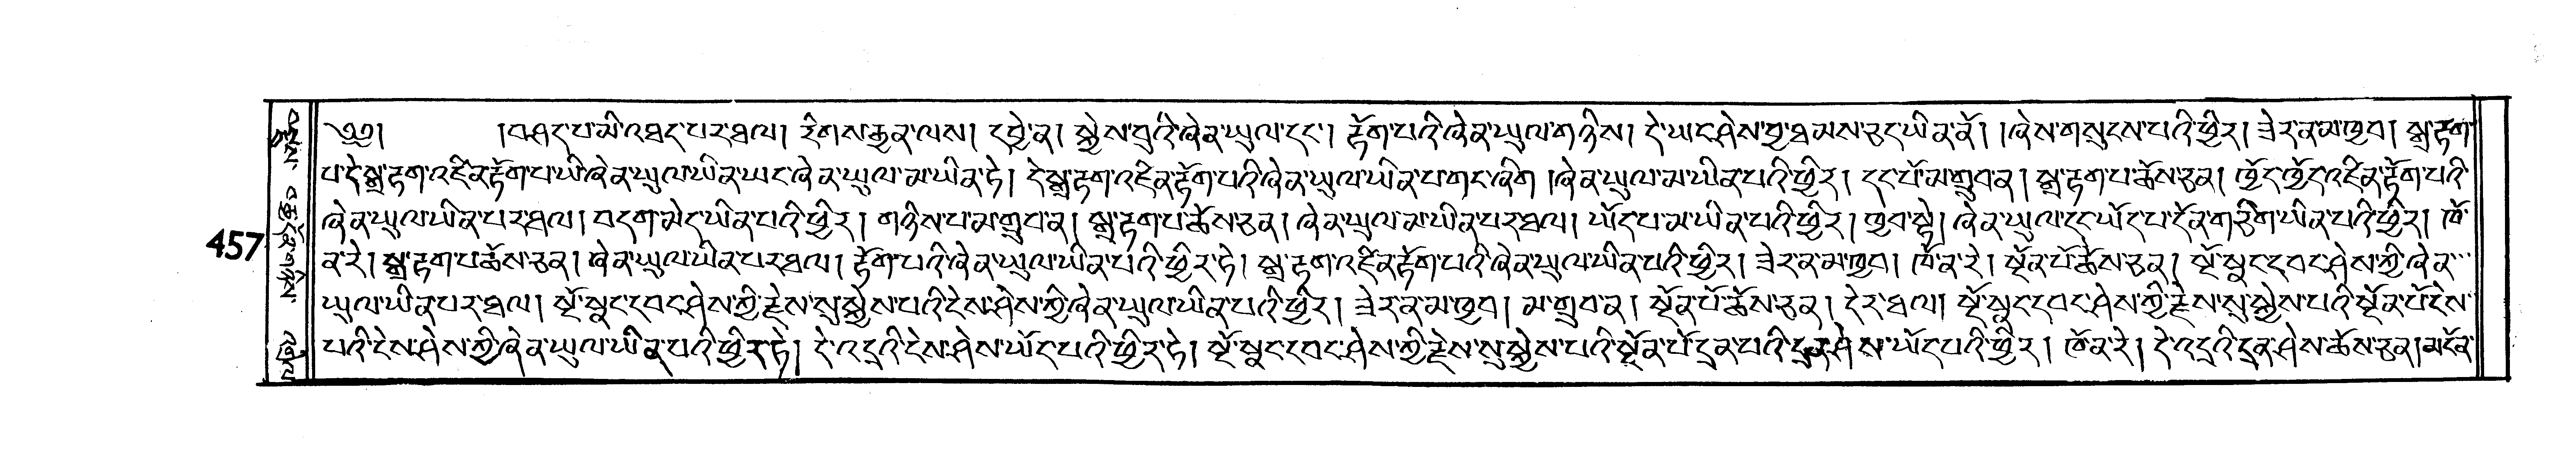༄༅། །བཤད་པ་མི་འཐད་པར་ཐལ། རིགས་རྒྱན་ལས། དབྱེ་ན། སྐྱེས་བུའི་ཞེན་ཡུལ་དང་། རྟོག་པའི་ཞེན་ཡུལ་གཉིས། དེ་ཡང་ཤེས་བྱ་ཐམས་ཅད་ཡིན་ནོ། །ཞེས་གསུངས་པའི་ཕྱིར། ཟེར་ན་མ་ཁྱབ། སྒྲ་རྟག་
པ་དེ་སྒྲ་རྟག་འཛིན་རྟོག་པ་ཡི་ཞེན་ཡུལ་ཡིན་ཡང་ཞེན་ཡུལ་མ་ཡིན་ཏེ། དེ་སྒྲ་རྟག་འཛིན་རྟོག་པའི་ཞེན་ཡུལ་ཡིན་པ་གང་ཞིག །ཞེན་ཡུལ་མ་ཡིན་པའི་ཕྱིར། དང་པོ་མ་གྲུབ་ན། སྒྲ་རྟག་པ་ཆོས་ཅན། ཁྱོད་ཁྱོད་འཛིན་རྟོག་པའི་
ཞེན་ཡུལ་ཡིན་པར་ཐལ། བདག་མེད་ཡིན་པའི་ཕྱིར། གཉིས་པ་མ་གྲུབ་ན། སྒྲ་རྟག་པ་ཆོས་ཅན། ཞེན་ཡུལ་མ་ཡིན་པར་ཐལ། ཡོད་པ་མ་ཡིན་པའི་ཕྱིར། ཁྱབ་སྟེ། ཞེན་ཡུལ་དང་ཡོད་པ་དོན་གཅིག་ཡིན་པའི་ཕྱིར། ཁོ་
ན་རེ། སྒྲ་རྟག་པ་ཆོས་ཅན། ཞེན་ཡུལ་ཡིན་པར་ཐལ། རྟོག་པའི་ཞེན་ཡུལ་ཡིན་པའི་ཕྱིར་ཏེ། སྒྲ་རྟག་འཛིན་རྟོག་པའི་ཞེན་ཡུལ་ཡིན་པའི་ཕྱིར། ཟེར་ན་མ་ཁྱབ། ཁོ་ན་རེ། སྔོན་པོ་ཆོས་ཅན། སྔོ་སྣང་དབང་ཤེས་ཀྱི་ཞེན་
ཡུལ་ཡིན་པར་ཐལ། སྔོ་སྣང་དབང་ཤེས་ཀྱི་རྗེས་སུ་སྐྱེས་པའི་ངེས་ཤེས་ཀྱི་ཞེན་ཡུལ་ཡིན་པའི་ཕྱིར། ཟེར་ན་མ་ཁྱབ། མ་གྲུབ་ན། སྔོན་པོ་ཆོས་ཅན། དེར་ཐལ། སྡོ་སྣང་དབང་ཤེས་ཀྱི་རྗེས་སུ་སྐྱེས་པའི་སྔོན་པོ་ངེས་
པའི་ངེས་ཤེས་ཀྱི་ཞེན་ཡུལ་ཡིན་པའི་ཕྱིར་ཏེ། དེ་འདྲའི་ངེས་ཤེས་ཡོད་པའི་ཕྱིར་ཏེ། སྔོ་སྣང་དབང་ཤེས་ཀྱི་རྗེས་སུ་སྐྱེས་པའི་སྔོན་པོ་དྲན་པའི་དྲན་ཤེས་ཡོད་པའི་ཕྱིར། ཁོ་ན་རེ། དེ་འདྲའི་དྲན་ཤེས་ཆོས་ཅན། མངོན་